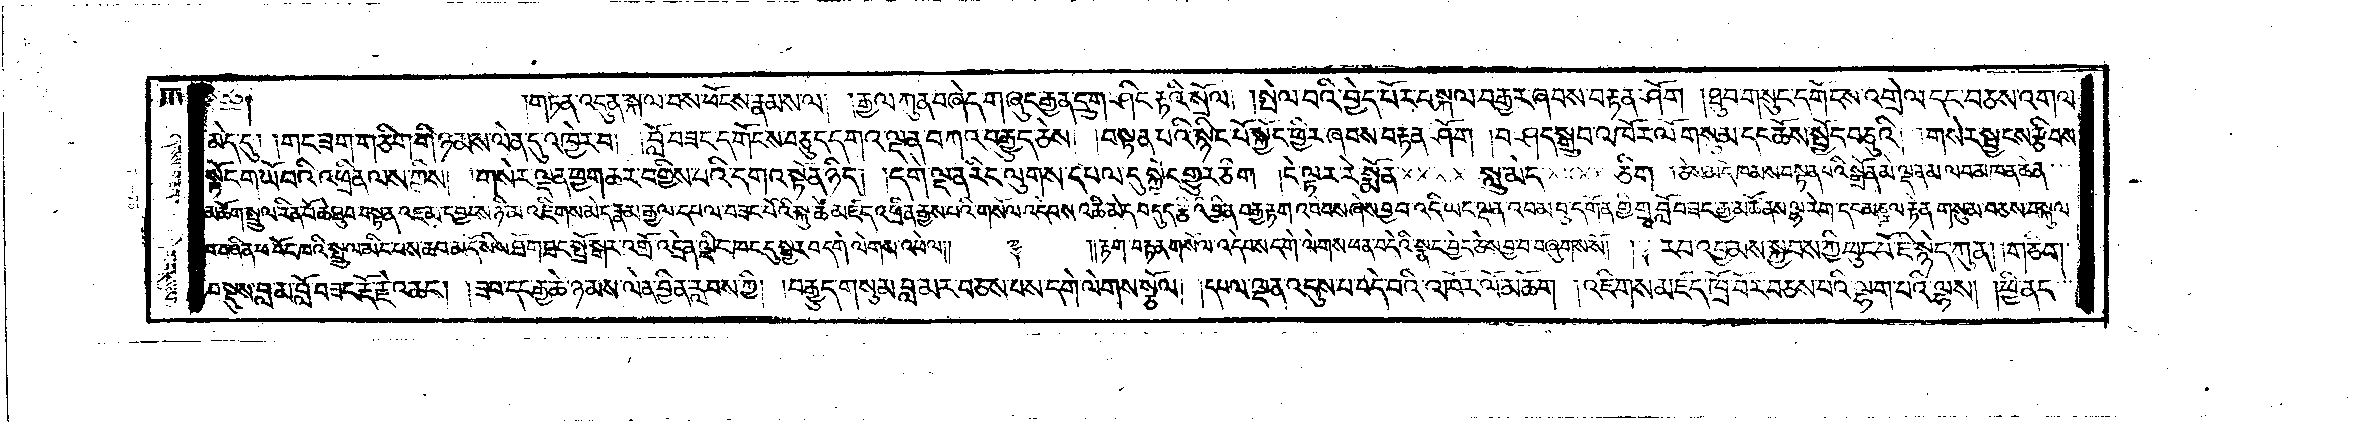༄༅། །གཏན་འདུན་སྐལ་བས་ཕོངས་རྣམས་ལ། །རྒྱལ་ཀུན་བཞེད་གཞུང་རྒྱན་དྲུག་ཤིང་རྟའི་སྲོལ། །སྤེལ་བའི་བྱེད་པོར་བསྐལ་བརྒྱར་ཞབས་བརྟན་ཤོག །ཐུབ་གསུང་དགོངས་འགྲེལ་དང་བཅས་འགལ་
མེད་དུ། །གང་ཟག་གཅིག་གི་ཉམས་ལེན་དུ་འཁྱེར་བ། །བློ་བཟང་དགོངས་བཅུད་དགའ་ལྡན་བཀའ་བརྒྱུད་ཅེས། །བསྟན་པའི་སྙིང་པོ་སྐྱོང་ཕྱིར་ཞབས་བརྟན་ཤོག །བཤད་སྒྲུབ་འཁོར་ལོ་གསུམ་དང་ཆོས་སྤྱོད་བཅུའི། །གསེར་སྦྱངས་རྩིབས་
སྟོང་གཡོ་བའི་འཕྲིན་ལས་ཀྱིས། །གསེར་ལྡན་ཕྱག་ཆར་བགྱིས་པའི་དགའ་སྟོན་ཉིད། །དགེ་ལྡན་རིང་ལུགས་དཔལ་དུ་སྐྱོང་གྱུར་ཅིག །དེ་ལྟར་རེ་སྨོན་྾྾྾་སླུ་མེད་྾྾྾་ཅིག །ཅེས་མདོ་ཁམས་བསྟན་པའི་སྒྲོན་མེ་ལྡན་མ་ལབ་མཁན་ཆེན་
མཆོག་སྤྲུལ་རིན་པོ་ཆེ་ཐུབ་བསྟན་འཇམ་དབྱངས་ཉི་མ་འཇིགས་མེད་རྣམ་རྒྱལ་དཔལ་བཟང་པོའི་སྐུ་ཚེ་མཛད་འཕྲིན་རྒྱས་པའི་གསོལ་འདེབས་འཆི་མེད་བདུད་རྩིའི་བྱིན་བརྒྱ་རྟག་འབེབས་ཞེས་བྱ་བ་འདི་ཡང་ལྡན་འབམ་བུ་དགོན་གྱི་གྲྭ་བློ་བཟང་རྒྱ་མཚོ་ནས་ལྷ་རེག་དང་མཎྜལ་རྟེན་གསུམ་བཅས་བསྐུལ་
བ་བཞིན་ཕ་བོང་ཁའི་སྤྲུལ་མིང་བས་ཚབ་མདོ་སིས་ཐོག་ཐང་སྤྲོ་སྒར་འགྲོ་འདྲེན་ལྡིང་ཁང་དུ་སྦྱར་བ་དགེ་ལེགས་འཕེལ།། ༈ །།རྟག་བརྟན་གསོལ་འདེབས་དགེ་ལེགས་ཕན་བདེའི་སྣང་བྱེད་ཅེས་བྱ་བ་བཞུགས་སོ། ། ༈ རབ་འབྱམས་སྐྱབས་ཀྱི་ཕུང་བོ་ཇི་སྙེད་ཀུན། །གཅིག་
བསྡུས་བླ་མ་བློ་བཟང་རྡོ་རྗེ་འཆང་། །ཟབ་དང་རྒྱ་ཆེ་ཉམས་ལེན་བྱིན་རླབས་ཀྱི། །བརྒྱུད་གསུམ་བླ་མར་བཅས་པས་དགེ་ལེགས་སྩོལ། །དཔལ་ལྡན་འདུས་པ་བདེ་བའི་འཁོར་ལོ་མཆོག །འཇིགས་མཛད་ཁྲོ་བོར་བཅས་པའི་ལྷག་པའི་ལྷས། །ཕྱི་ནང་